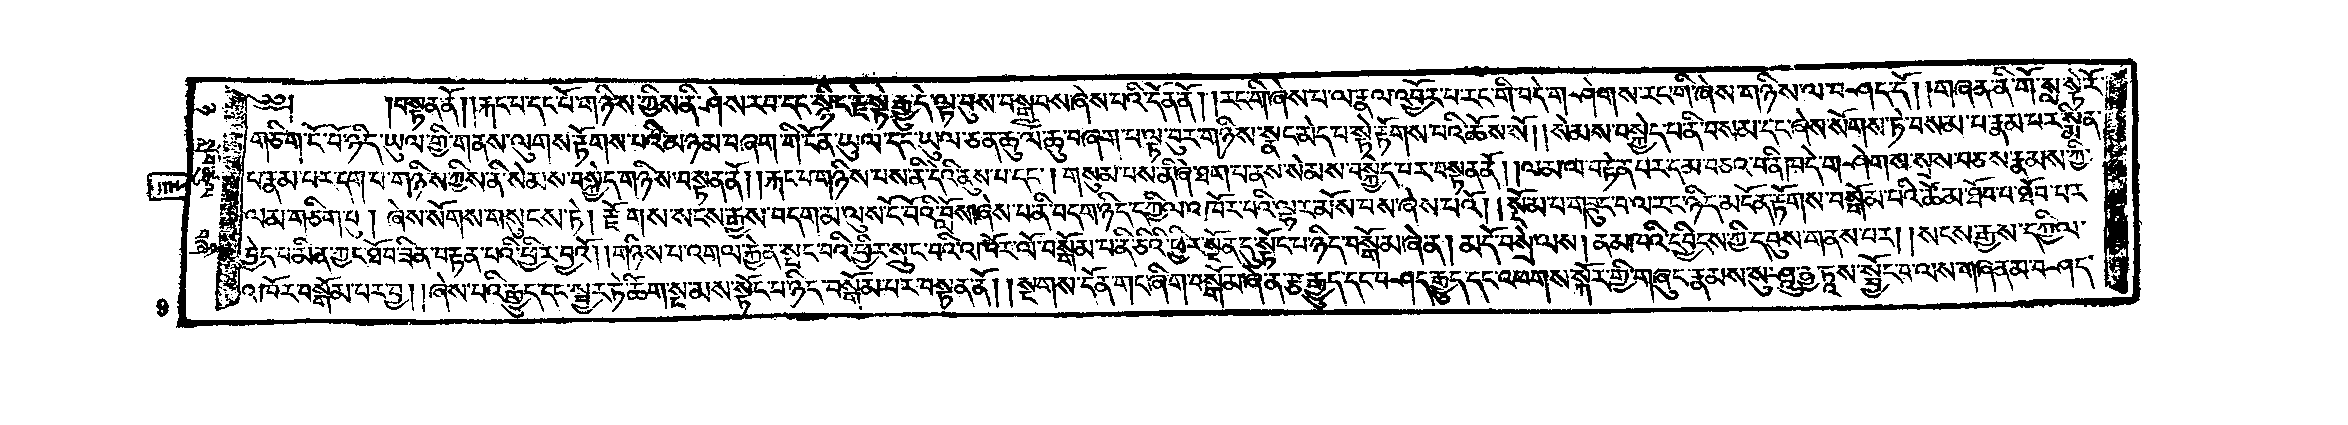༄༅། །བསྟན་ནོ། །རྐང་པ་དང་པོ་གཉིས་ཀྱིས་ནི་ཤེས་རབ་དང་སྙིང་རྗེ་སྟེ་རྒྱུ་དེ་ལྟ་བུས་བསྒྲུབས་ཞེས་པའི་དོན་ནོ། །རང་གི་ཞེས་པ་ལ་རྣལ་འབྱོར་པ་རང་གི་བདེ་གཤེགས་རང་གི་ཞེས་གཉིས་ལ་བཤད་དོ། །གཞན་ནི་གོ་སླ་སྟེ་
གཅིག་ངོ་བོ་ཉིད་ཡུལ་གྱི་གནས་ལུགས་རྟོགས་པའི་མཉམ་བཞག་གི་ངོ་ན་ཡུལ་དང་ཡུལ་ཅན་ཆུ་ལ་ཆུ་བཞག་པ་ལྟ་བུར་གཉིས་སྣང་མེད་པ་སྟེ་རྟོགས་པའི་ཆོས་སོ། །སེམས་བསྐྱེད་པ་ནི་བསམ་དང་ཞེས་སོགས་ཏེ་བསམ་པ་རྣམ་པར་སྨིན་
པ་རྣམ་པར་དག་པ་གཉིས་ཀྱིས་ནི་སེམས་བསྐྱེད་གཉིས་བསྟན་ནོ། །རྐང་པ་གཉིས་པས་ནི་དེའི་ནུས་པ་དང་། གསུམ་པས་ནི་ཞེ་ཐག་པ་ནས་སེམས་བསྐྱེད་པར་བསྟན་ནོ། །ལམ་ལ་བརྟེན་པར་དམ་བཅའ་བ་ནི། བདེ་གཤེགས་སྲས་བཅས་རྣམས་ཀྱི་
ལམ་གཅིག་པུ། ཞེས་སོགས་གསུངས་ཏེ། རྫོགས་སངས་རྒྱས་བདག་མ་ལུས་ངོ་བོའི་བློས། ཞེས་པ་ནི་བདག་ཉིད་དཀྱིལ་འཁོར་པའི་ལྷར་མོས་པས་ཞེས་པའོ། །སྡོམ་པ་གཟུང་བ་ལ་རང་ཉིད་མངོན་རྟོགས་བསྒོམ་པའི་ཚེ་མ་ཐོབ་པ་ཐོབ་པར་
བྱེད་པ་མིན་ཀྱང་ཐོབ་ཟིན་བརྟེན་པའི་ཕྱིར་བྱའོ། །གཉིས་པ་འགལ་རྐྱེན་སྤང་བའི་ཕྱིར་སྲུང་བའི་འཁོར་ལོ་བསྒོམ་པ་ནི་ཅིའི་ཕྱིར་སྔོན་དུ་སྟོང་པ་ཉིད་བསྒོམ་ཞེ་ན། མདོ་བསྲེ་ལས། ནམ་མཁའི་དབྱིངས་ཀྱི་དབུས་གནས་པར། །སངས་རྒྱས་དཀྱིལ་
འཁོར་བསྒོམ་པར་བྱ། །ཞེས་པའི་རྒྱུད་དང་སྦྱར་ཏེ་ཚིག་སྔ་མས་སྟོང་པ་ཉིད་བསྒོམ་པར་བསྟན་ནོ། །སྔགས་དོན་གང་ཞིག་བསྒོམ་ཞེ་ན་རྩ་རྒྱུད་དང་བཤད་རྒྱུད་དང་འཕགས་སྐོར་གྱི་གཞུང་རྣམས་སུ་ཤཱུ་ནྱ་ཏཱས་སྦྱོང་བ་ལས་གཞན་མ་བཤད་